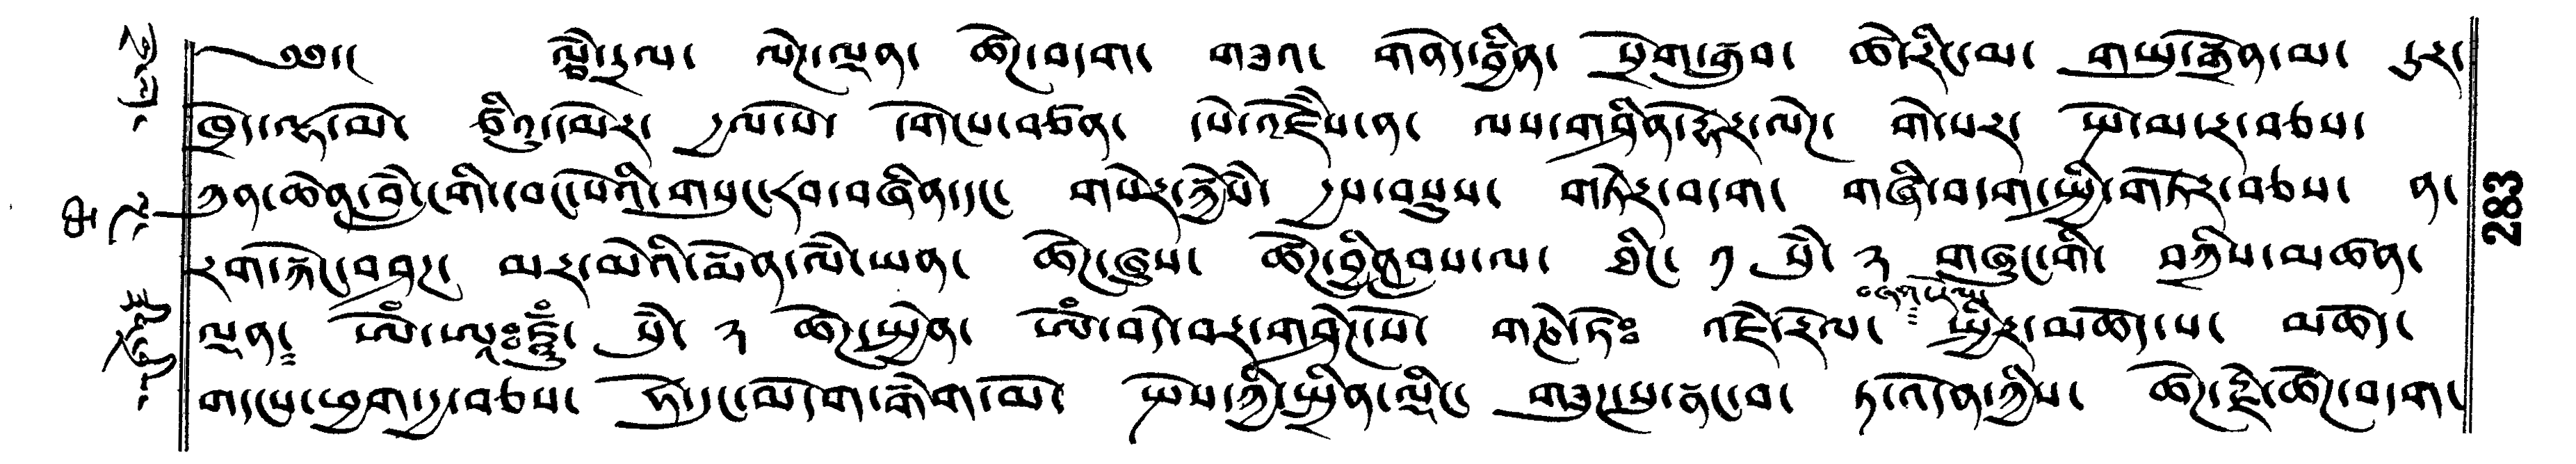ལྕམ་དྲལ། ལེགས་ལྡན། ཚོགས་བདག གཟའ། གནོད་སྦྱིན། སྲོག་སྒྲུབ། ཚེ་རིང་མ། གཡུ་སྒྲོན་མ། དུར་
ཁྲོད་ལྷ་མོ། ཙིའུ་དམར་པོ། རྒྱལ་པོ། དགོངས་བཙན། དཔེ་འཛོམས་ན། ལས་གཤིན། རྡོར་ལེགས། གེ་སར། སྤོམ་ར་བཅས། 
ཀུན་ཆེན་བླ་མ་ངག་གི་དབང་པོའི་གསུང་རབ་བཞིན་དང་། གསེར་སྐྱེམས་རྒྱས་བསྡུས། གཏེར་བདག་དང་གཞི་བདག་སྤྱི་གཏོར་བཅས། ན་
རག་སྐོང་བཤགས་མར་མེའི་སྨོན་ལམ་ཡན། ཚོགས་ཞུས། ཚོགས་བྱིན་རླབས་ལ། ཐིང་གཅིག སུམ་གཉིས། གཞུང་གི བཀྲ་ཤིས་མཚན་
ལྡན༴ ཨོཾ་ཨཱཿཧཱུྃ། སུམ་གཉིས། ཚོགས་སྤྱན་དྲེན། ཨོཾ། བདེ་བར་གཤེགས་སོ༴ གཎྜེ་ཧོཿ འཇམ་རོལ། བཞག་རོལ། སྤྱིར་མཆོད་པ། མཆོད་
གདངས་ཕྱག་རྒྱ་བཅས། ཧོ། དུང་མདོག་སྒེག་མོ༴ སྤོས་ཀྱི་སྤྲིན་ལྡིང༴ གཟུགས་སུ་སྣང་བ༴ རྔ་འདོན་གྱིས། ཚོགས་རྗེ་ཚོགས་བདག་